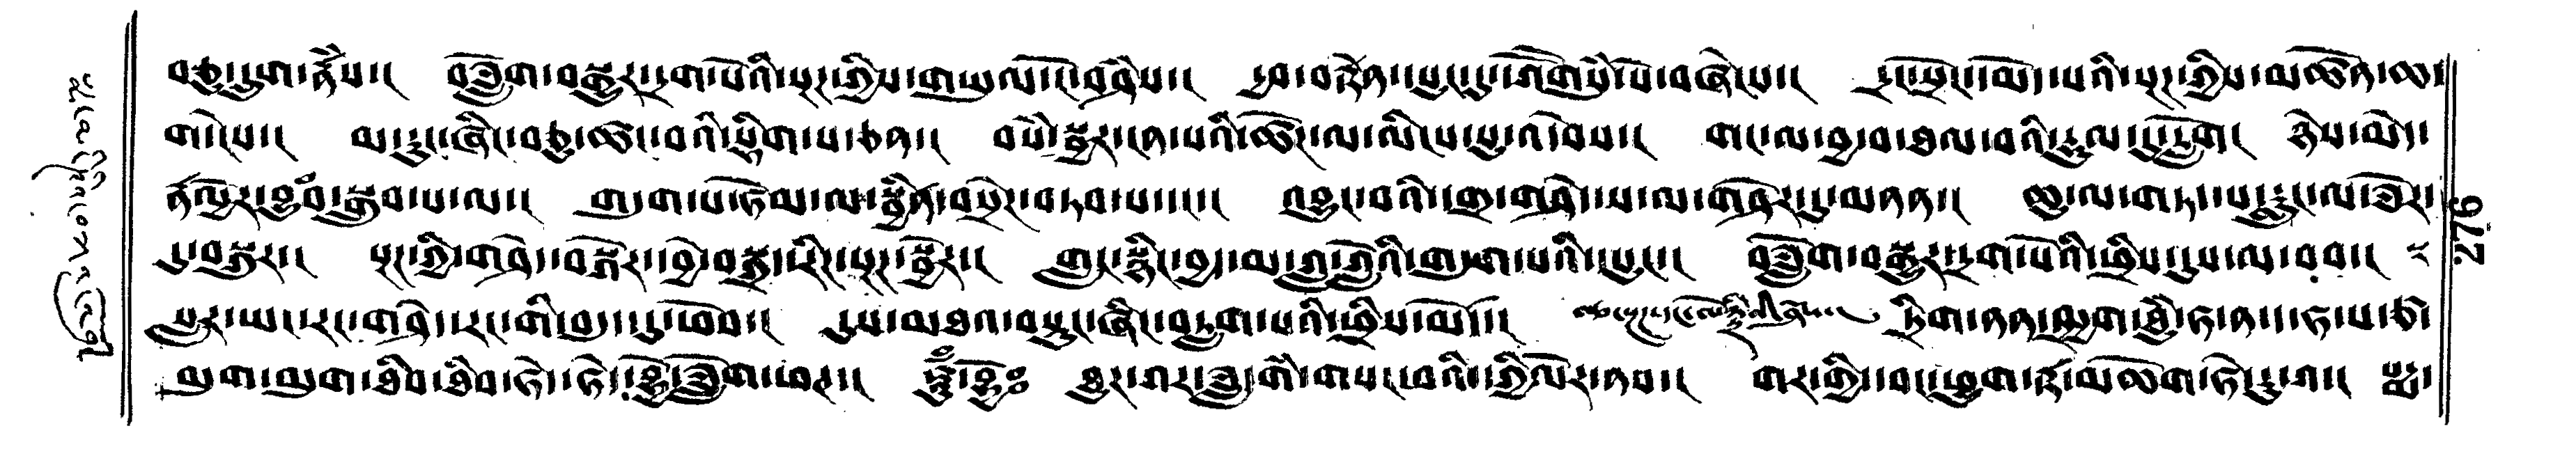བཅུ་དྲུག་རྣམས། །བཟློག་བསྒྱུར་དྲག་པོའི་སྔགས་ཀྱིས་གཡུལ་ངོ་གཤམས། །རྒྱབ་བརྟེན་དཔུང་དུ་དཀོན་མཆོག་གསུམ་པོ་བཞེངས། །དྲང་སྲོང་དམོད་པའི་སྔགས་ཀྱིས་མཚོན་ཆ་
གདེངས། །མ་རུང་ཞིང་བཅུ་ཚང་བའི་སྡིག་པ་ཅན། །བསམ་སྦྱོར་ངན་པའི་ཚོགས་ལ་ལིངས་སུ་འདེབས། །གང་ལ་བྱ་བ་ཐལ་བའི་རྡུལ་དུ་རློག །ཉེས་མེད་
རྣལ་འབྱོར་བྱང་ཆུབ་སྒྲུབ་པ་ལ། །གདུག་པ་ཧོམ་ལ་སྦྱིན་བསྲེགས་བཏབ་པ་དང་། །འབྱུང་བའི་དགྲ་གཤེད་ས་ལ་གཤོར་དུ་མནན། །ཆུ་ལ་གཏད་པ་རླུང་ལ་ཟོར་
དུ་བསྐུར། །སྔགས་ཀྱི་གཤེད་བསྐོར་དབྱེ་བསྐྲད་རིགས་སྔགས་སྦྱོར། །གླང་སྙིང་བྱད་མ་ཀླ་ཀློའི་གདུག་པའི་དཔུང་། །བཟློག་བསྒྱུར་དྲག་པོའི་ཕྲིན་ལས་དུས་ལ་བབ། །
སླར་ཡང་རང་གཤེད་རང་གི་བདུད་དུ་ཕོབ། །དུས་མཐའ་བསྟུང་ཞིང་བརླག་པའི་ཕྲིན་ལས་མཛོད། །རྩ་སྔགས་དང་ལོཀྟྲིའི་གཤམས། ། ཏྲིག་ནན་མྱག་ཐུཾ་ཧ་ན་ད་ཧ་པ་ཙ་
མུག་མུག་ཐིབ་ཐིབ་ཧེད་ཧེད་བྷྱོ་ཟློག་ཕཊཿ ཧཱུྃ་བྷྱོཿ ཐུགས་ཀར་ཟླ་གམ་གསང་བའི་དཀྱིལ་འཁོར་ནས། །གར་གྱི་དབང་ཕྱུག་རྟ་མཆོག་ཧེ་རུ་ཀ །པདྨ